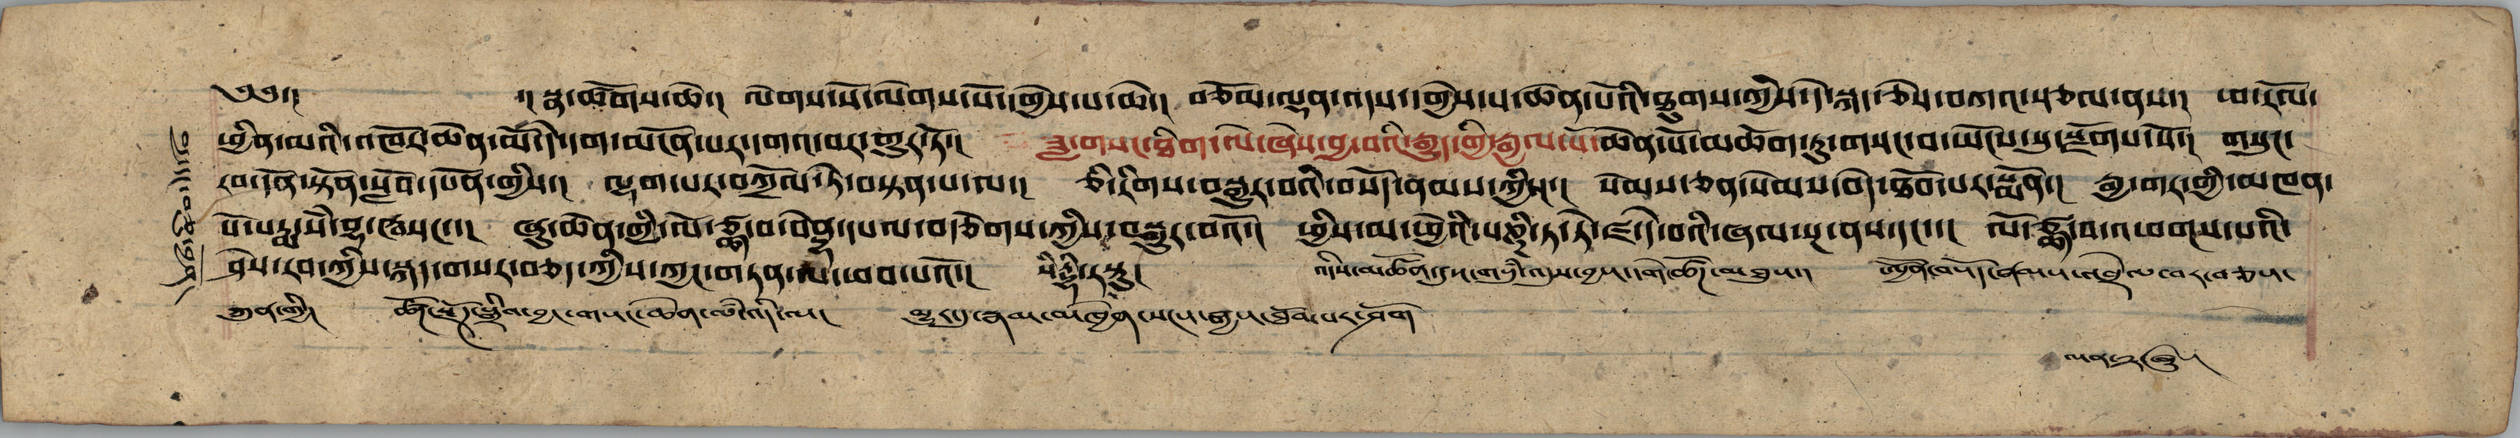༄༅་། ་།སྣ་ཚོགས་ཆེ་། ལེགས་སོ་ལེགས་སོ་དགྱེས་པ་ཆེ་། བཅོམ་ལྡན་འདས་དགྱེས་པ་ཆེན་པོའི་ཐུགས་ཀྱི་དེ་སྐད་ཅེས་བཀའ་སྩལ་ནས་། ཕ་རོལ་
ཕྱིན་མའི་འཁོར་ཆེན་མོ་དེ་དག་མངོན་པར་དགའ་བར་གྱུར་ཏོ་། ཟླ་གསང་ཐིག་ལེ་ཞེས་བྱ་བའི་རྒྱུད་གྱི་རྒྱལ་པོ་ཆེན་པོ་མཆོག་ཏུ་གསང་བ་ཡོངས་སུ་སྫོགས་སོ་། གསུང་
རབ་དོན་སྟོན་སློབ་དཔོན་གྱིས་། ལྷག་པར་བཀྲོལ་ཏེ་བསྟན་པ་ལ་། ཅི་རིགས་བསྒྱུར་བའི་བསོད་ནམས་ཀྱིས་། སེམས་ཅན་སེམས་བདེ་ཐོབ་པར་སྨོན་། རྒྱ་གར་གྱི་མཁན་
པོ་པདྨ་སཾ་བྷ་ཝ་དང་་། ཞུ་ཆེན་གྱི་ལོ་ཙྪ་བ་བེནྡྷ་དཔལ་བརྩེགས་ཀྱིས་བསྒྱུར་བའོ་། ཕྱིས་མ་ཕྱེའི་པཎྜི་ཏ་ཏེ་ཛ་དེ་བའི་ཞལ་སྔ་ནས་དང་་། ལོ་ཙྪ་བ་འཕགས་པའི་
ཤེས་རབ་ཀྱིས་སྐད་གསར་བཅད་ཀྱིས་ཀྱང་གཏན་ལ་ཕབ་པའོ་། སིདྡྷི་རསྟུ། འདིས་མཚོན་དུས་གསུཾ་འདུས་བྱས་དགེ་ཚོཌ་མཐུས་། ཨྱོན་བསོད་ནམས་འབྲེལ་བར་བཅས་
ཀུན་གྱི། ཚོཌ་སྫོཌ་སྒྲིབ་བྱང་གསང་ཆེན་ལཾ་འདི་ལ། མྱུར་དུ་རྣམ་མཁྱེན་སངས་རྒྱས་ཐོབ་པར་ཤོག